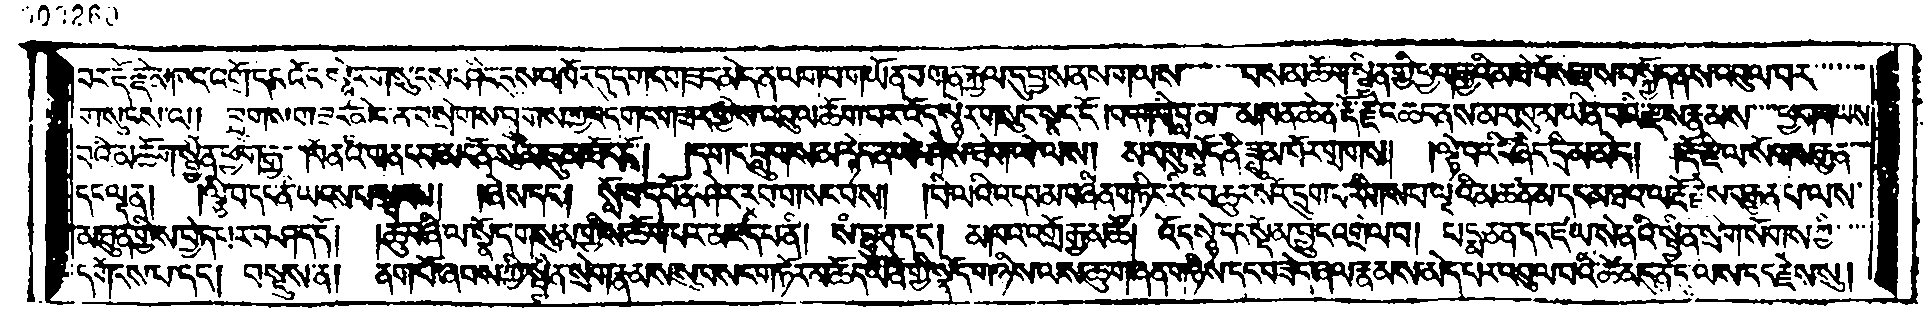བར་རྡོ་རྗེ་མཁའ་འགྲོ་དང་འོད་སྙེར་གསུངས་ཤིང་དུས་འཁོར་དུ་ད་གང་གཟར་མེད་ན་ལག་པ་གཡོན་པ་གན་རྐྱལ་དུ་བྱས་ནས་གཡས་བས་མཆོག་སྦྱིན་གྱི་ཕྱག་རྒྱའི་མཐེ་བོས་རྫས་བསྐྱོད་ནས་འབུལ་བར་
གསུངས་ལ། བླུགས་གཟར་མེད་ན་བསྲེགས་བླུགས་ཀྱང་དགང་གཟར་གྱིས་འབུལ་ཆོག་པར་འོད་སྙེར་གསུང་སྣང་ངོ། །བདག་གི་བླ་མ་མཁན་ཆེན་རྡོ་རྗེ་འཆང་ནས་མར་ཁུ་མ་ཡིན་པའི་རྫས་རྣམས་ཕྱག་གཡས་
བའི་མཆོག་སྦྱིན་ཕྱག་རྒྱ་ཁོ་ནའི་གནང་བ་མངོན་སུམ་དུ་མཐོང་ངོ། །དགང་བླུགས་མ་རྙེད་ན་ཡེ་ཤེས་ཐེག་ལེ་ལས། མར་ཁུ་སྣོད་ནི་ཟླུམ་པོར་གྲགས། །ལྟེ་བ་རིང་ཞིང་དྲི་མ་མེད། །རྡོ་རྗེ་ལ་སོགས་རྒྱན་
དང་ལྡན། །ལྕི་བ་དང་ནི་ཡངས་པ་སྤངས། །ཞེས་དང་། སློབ་དཔོན་ཤེར་རབ་གསང་བས། །བི་ལའི་འདབ་མ་བཞིན་གཏིང་རིང་བ་ཆུར་སོར་དྲུག་པ་རིགས་པ་ལྔའི་མཚན་མ་དང་མཐའ་ལ་རྡོ་རྗེས་བརྒྱན་པ་ལས་
མཐུན་གྱིས་བྱེད་པར་བཤད་དོ། །ཆུ་བཞི་ལ་སྣོད་གསུམ་གྱིས་ཆོག་པར་མཛད་པ་ནི། སཾ་བྷུ་ཊ་དང་། མཁའ་འགྲོ་རྒྱ་མཚོ། འོད་སྙེ་དང་སྡོམ་བྱུང་འགྲེལ་བ། པདམ་ཅན་དང་ཛ་ཡ་སེ་ནའི་སྦྱིན་སྲེག་སོགས་ཀྱི་
དགོངས་པ་དང་། བསྡུས་ན། ནག་པོ་ཞབས་ཀྱི་སྦྱིན་སྲེག་རྣམས་སུ་བསང་གཏོར་མཆོད་ཡོན་གྱི་སྣོད་གཉིས་ལས་ཆུ་གཞན་གཉིས་དང་བཟེད་ཞལ་རྣམས་མེད་པར་འབུལ་བའི་ཚེ་མདུན་དུ་ལས་དང་རྗེས་སུ།